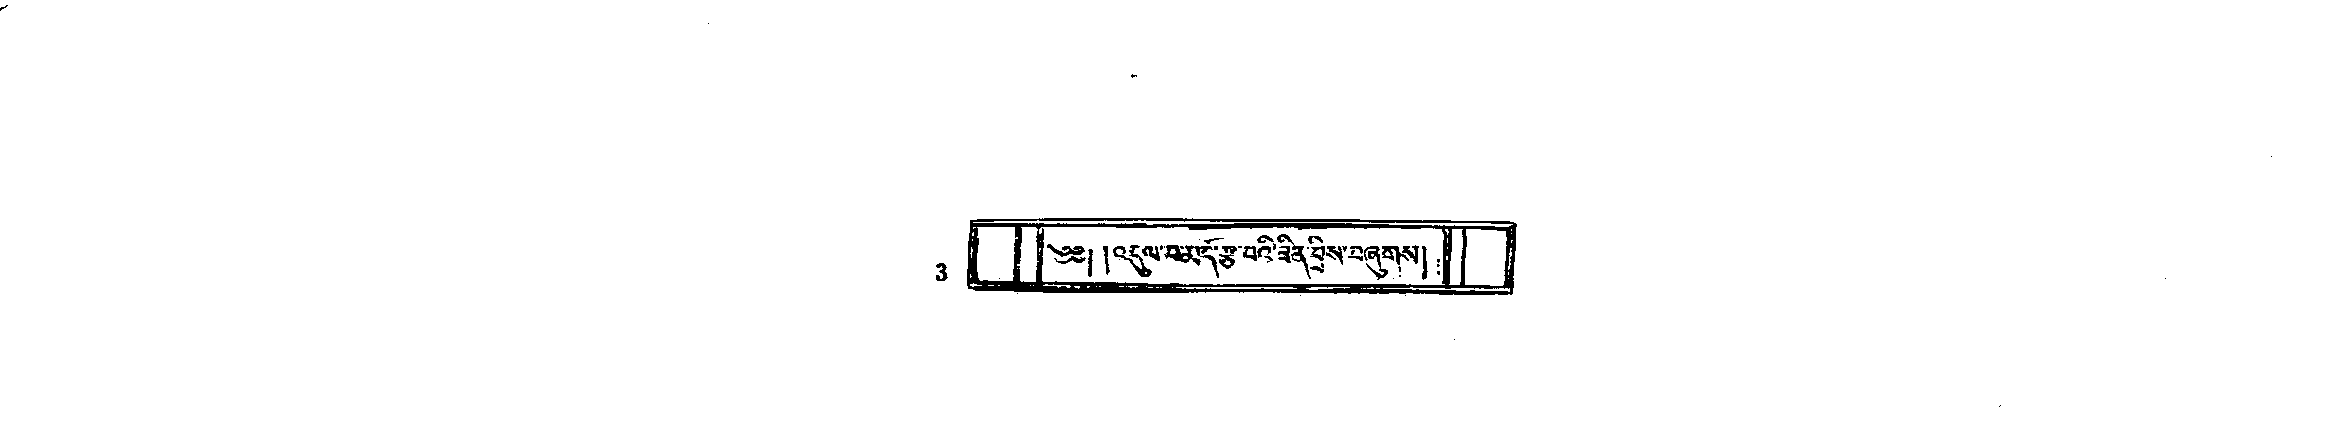།འདུལ་བ་མདོ་རྩ་བའི་ཟིན་བྲིས་བཞུགས། །